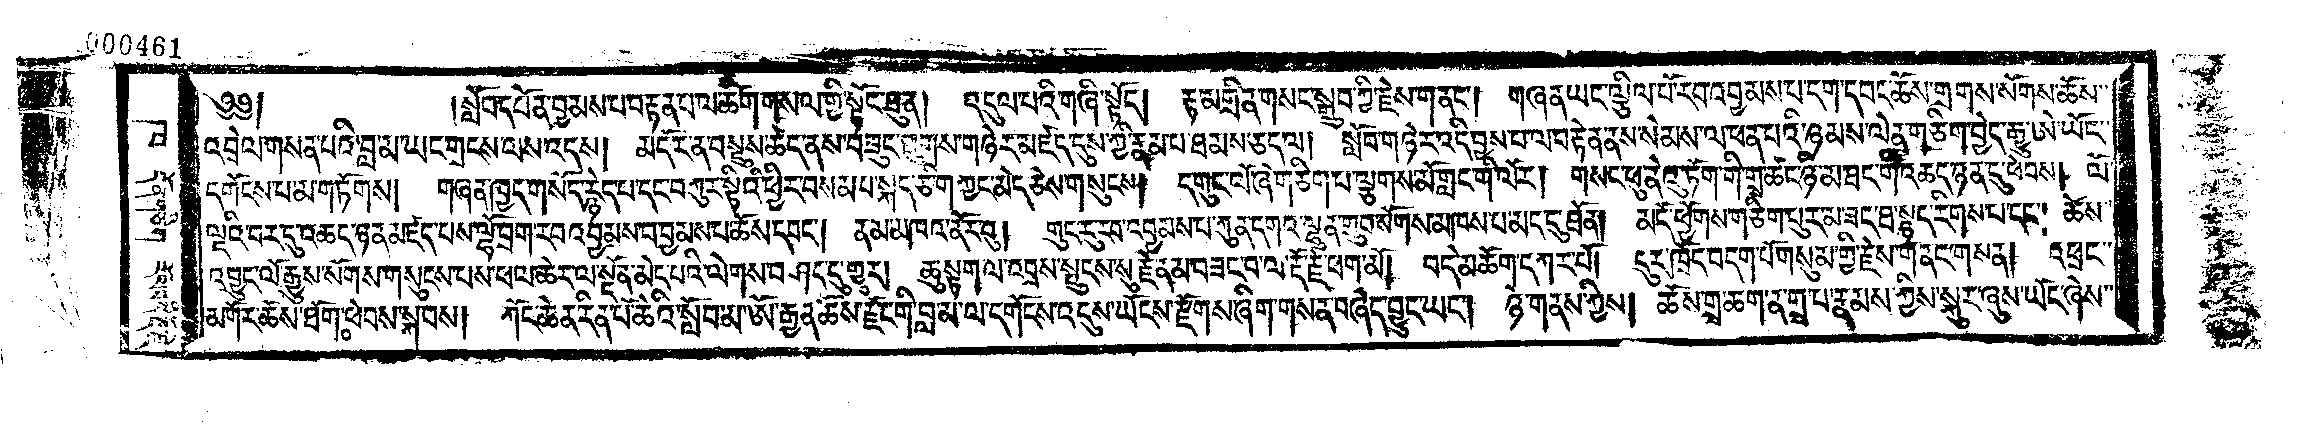༄༅། །སློབ་དཔོན་བྱམས་པ་བརྟན་པ་ལ་ཚིག་གསལ་གྱི་སྟོང་ཐུན། འདུལ་བའི་གཞི་སྟོད། རྟ་མགྲིན་གསང་སྒྲུབ་ཀྱི་རྗེས་གནང་། གཞན་ཡང་ལྕི་ལ་པོ་རབ་འབྱམས་པ་ངག་དབང་ཆོས་གྲགས་སོགས་ཆོས་
འབྲེལ་གསན་པའི་བླ་མ་ཡང་གྲངས་ལས་འདས། མདོར་ན་བསྡུས་ཚད་ནས་བཟུང་ཐུགས་གཉེར་མཛད་དུས་ཀྱི་རྣམ་པ་ཐམས་ཅད་ལ། སློབ་གཉེར་འདི་བྱས་པ་ལ་བརྟེན་ནས་སེམས་ལ་ཕན་པའི་ཉམས་ལེན་གཅིག་བྱེད་རྒྱུ་ཨེ་ཡོང་
དགོངས་པ་མ་གཏོགས། གཞན་ཁྱད་གསོད་རྙེད་པ་དང་བཀུར་སྟིའི་ཕྱིར་བསམ་པ་སྐད་ཅིག་ཀྱང་མེད་ཅེས་གསུངས། དགུང་ལོ་ཞེ་གཅིག་པ་ལྕགས་མོ་གླང་གི་ལོར། གསང་ཕུ་ནེའུ་ཏོག་གི་གྲྭ་ཚང་ཉི་མ་ཐང་གི་འཆད་ཉན་དུ་ཕེབས། ལོ་
ལྔའི་བར་དུ་འཆད་ཉན་མཛད་པས་ལྷོ་བྲག་རབ་འབྱམས་པ་བྱམས་པ་ཆོས་དབང་། ནམ་མཁའ་ནོར་བུ། གུང་རུ་རབ་འབྱམས་པ་ཀུན་དགའ་ལྷུན་གྲུབ་སོགས་མཁས་པ་མང་དུ་ཐོན། མདོ་ཕྱོགས་གཅིག་པུར་མ་ཟད་ཐ་སྙད་རིགས་པ་དང་། ཆོས་
འབྱུང་ལོ་རྒྱུས་སོགས་གསུངས་པས་ཕལ་ཆེར་ལ་སྔོན་མེད་པའི་ལེགས་བཤད་དུ་གྱུར། ཆུ་སྟག་ལ་འབྲས་སྤུངས་སུ་རྗེ་ནམ་བཟང་པ་ལ་རྡོ་རྗེ་ཕག་མོ། བདེ་མཆོག་དཀར་པོ། དུར་ཁྲོད་བདག་པོ་གསུམ་གྱི་རྗེས་གནང་གསན། འཕྲང་
མགོར་ཆོས་ཐོག་ཕེབས་སྐབས། ཀོང་ཆེན་རིན་པོ་ཆེའི་སློབ་མ་ཨོ་རྒྱན་ཆོས་རྫོང་གི་བླ་མ་ལ་དགོངས་འདུས་ཡོངས་རྫོགས་ཞིག་གསན་བཞེད་བྱུང་ཡང་། ཉེ་གནས་ཀྱིས། ཆོས་གྲྭ་ཆག་ན་གྲྭ་པ་རྣམས་ཀྱིས་སྐུར་ཞུས་ཡོང་ཞེས་